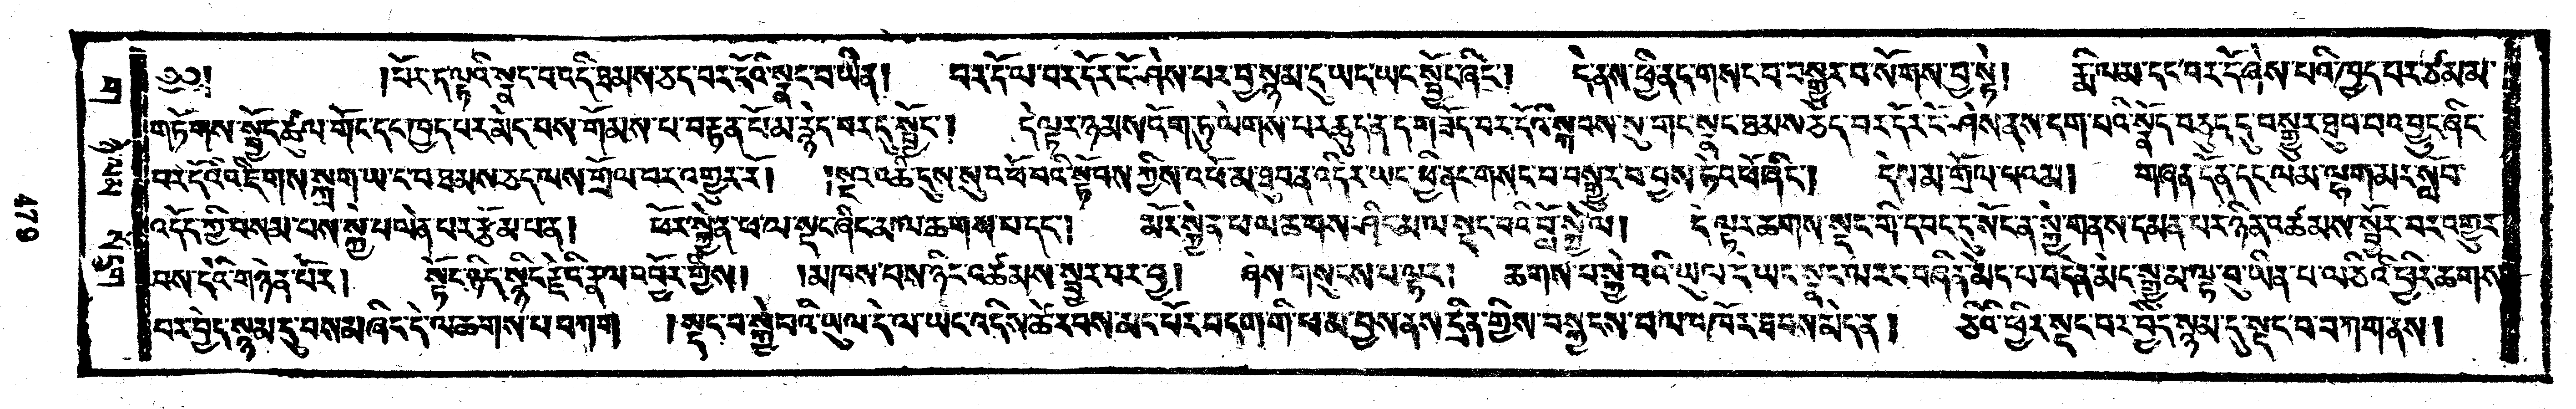༄༅། །པོར་ད་ལྟའི་སྣང་བ་འདི་ཐམས་ཅད་བར་དོའི་སྣང་བ་ཡིན། བར་དོ་ལ་བར་དོར་ངོ་ཤེས་པར་བྱ་སྙམ་དུ་ཡང་ཡང་སྦྱོང་ཞིང་། དེ་ནས་ཕྱི་ནང་གསང་བ་བསྒྱུར་བ་སོགས་བྱ་སྟེ། རྨི་ལམ་དང་བར་དོ་ཞེས་པའི་ཁྱད་པར་ཙམ་མ་
གཏོགས་སྦྱོང་ཚུལ་གོང་དང་ཁྱད་པར་མེད་པས་གོམས་པ་བརྟན་པོ་མ་རྙེད་བར་དུ་སྦྱོང་། དེ་ལྟར་ཉམས་འོག་ཏུ་ལེགས་པར་ཆུད་ནད་གཟོད་བར་དོའི་སྐབས་སུ་གང་སྣང་ཐམས་ཅད་བར་དོར་ངོ་ཤེས་ནས་དག་པའི་སྣོད་བཅུད་དུ་བསྒྱུར་ཐུབ་པ་འབྱུང་ཞིང་
བར་དོའི་འཇིགས་སྐྲག་ཡ་ང་བ་ཐམས་ཅད་ལས་གྲོལ་བར་འགྱུར་རོ། །སྔར་འཆི་དུས་སུ་འཕོ་བའི་སྟོབས་ཀྱིས་འཕོ་མ་ཐུབ་ན་འདིར་ཡང་ཕྱི་ནང་གསང་བ་བསྒྱུར་བ་བྱས་ཏེ་འཕོ་ཞིང་། དེས་མ་གྲོལ་པའམ། གཞན་དོན་དང་ལམ་ལྷག་མར་སློབ་
འདོད་ཀྱི་བསམ་པས་སྐྱེ་པ་ལེན་པར་རྩོམ་པ་ན། ཕོར་སྐྱེན་ཕ་ལ་སྡང་ཞིང་མ་ལ་ཆགས་པ་དང་། མོར་སྐྱེན་ཕ་ལ་ཆགས་ཤིང་མ་ལ་སྡང་བའི་བློ་སྐྱེ་ལ། དེ་ལྟར་ཆགས་སྡང་གི་དབང་དུ་སོང་ན་སྐྱེ་གནས་དམན་པར་ཉིན་འཚམས་སྦྱོར་བར་འགྱུར་
བས་དེའི་གཉེན་པོར། སྟོང་ཉིད་སྙིང་རྗེའི་རྣལ་འབྱོར་གྱིས། །མཁས་པས་ཉིད་འཚམས་སྦྱར་བར་བྱ། ཞེས་གསུངས་པ་ལྟར། ཆགས་པ་སྐྱེ་བའི་ཡུལ་དེ་ཡང་སྣང་ལ་རང་བཞིན་མེད་པ་བདེན་མེད་སྒྱུ་མ་ལྟ་བུ་ཡིན་པ་ལ་ཅིའི་ཕྱིར་ཆགས་
བར་བྱེད་སྙམ་དུ་བསམ་ཞིང་དེ་ལ་ཆགས་པ་བཀག །སྡང་བ་སྐྱེ་བའི་ཡུལ་དེ་ལ་ཡང་འདིས་ཚེ་རབས་མང་པོར་བདག་གི་ཕ་མ་བྱས་ནས་དྲིན་གྱིས་བསྐྱངས་བ་ལ་འཁོར་ཐབས་མེད་ན། ཅིའི་ཕྱིར་སྡང་བར་བྱེད་སྙམ་དུ་སྡང་བ་བཀག་ནས།